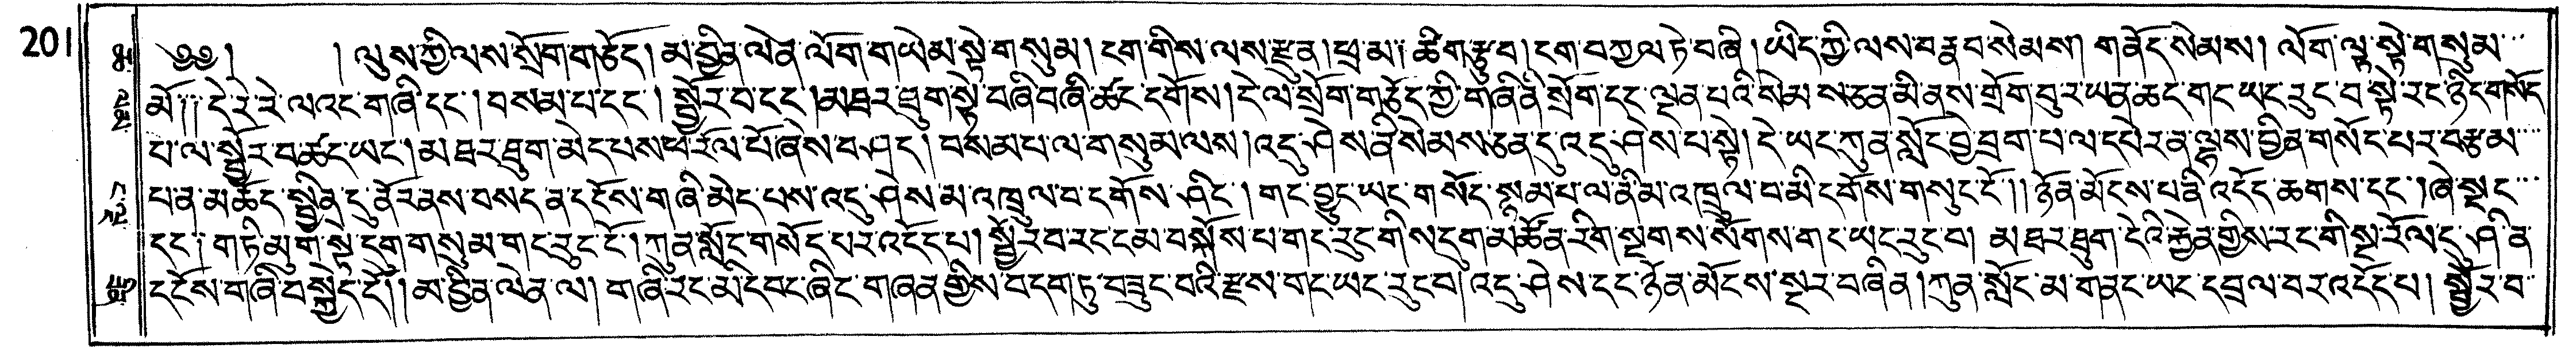༄༅། །ལུས་ཀྱི་ལས་སྲོག་གཅོད། མ་བྱིན་ལེན་ལོག་གཡེམ་སྟེ་གསུམ། ངག་གིས་ལས་རྫུན། ཕྲ་མ༑ ཚིག་རྩུབ། ངག་བཀྱལ་ཏེ་བཞི། ཡིད་ཀྱི་ལས་བརྣབ་སེམས། གནོད་སེམས། ལོག་ལྟ་སྟེ་གསུམ་
མོ༑ ༑དེ་རེ་རེ་ལའང་གཞི་དང་། བསམ་པ་དང་། སྦྱོར་བ་དང་། མཐར་ཐུག་སྟེ་བཞི་བཞི་ཚང་དགོས། དེ་ལ་སྲོག་གཅོད་ཀྱི་གཞི་ནི་སྲོག་དང་ལྡན་པའི་སེམས་ཅན་མི་ནས་གྲོག་བུ་ར་ཡན་ཆད་གང་ཡང་རུང་བ་སྟེ་རང་ཉིད་གསོད་
པ་ལ་སྦྱོར་བ་ཚད་ཡང་། མཐར་ཐུག་མེད་པས་ཕ་རོལ་པོ་ཞེས་བཤད། བསམ་པ་ལ་གསུམ་ལས། འདུ་ཤེས་ནི་སེམས་ཅན་དུ་འདུ་ཤེས་པ་སྟེ། དེ་ཡང་ཀུན་སློང་བྱེ་བྲག་པ་ལ་དཔེར་ན་ལྷས་བྱིན་གསོད་པར་བརྩམ་
པ་ན་མཆོད་སྦྱིན་དུ་ནོར་ནས་བསད་ན་དངོས་གཞི་མེད་པས་འདུ་ཤེས་མ་འཁྲུལ་བ་དགོས་ཤིང་། གང་བྱུང་ཡང་གསོད་སྙམ་པ་ལ་ནི་མ་འཁྲུལ་བ་མི་དགོས་གསུང་ངོ། །ཉོན་མོངས་པ་ནི་འདོད་ཆགས་དང་། ཞེ་སྡང་
དང༑ གཏི་མུག་སྟེ་དུག་གསུམ་གང་རུང་ངོ། ཀུན་སློང་གསོད་པར་འདོད་པ། སྦྱོར་བ་རང་ངམ་བསྐོས་པ་གང་རུང་གིས་དུག་མཚོན་རིག་སྔགས་སོགས་གང་ཡང་རུང་བ། མཐར་ཐུག་དེའི་རྐྱེན་གྱིས་རང་གི་སྔ་རོལ་དུ་ཤི་ན་
དངོས་གཞི་བསྐྱེད་དོ། །མ་བྱིན་ལེན་ལ། གཞི་རང་མི་དབང་ཞིང་གཞན་གྱིས་བདག་ཏུ་བཟུང་བའི་རྫས་གང་ཡང་རུང་བ། འདུ་ཤེས་དང་ཉོན་མོངས་སྔར་བཞིན། ཀུན་སློང་མ་གནང་ཡང་དབྲལ་བར་འདོད་པ། སྦྱོར་བ་